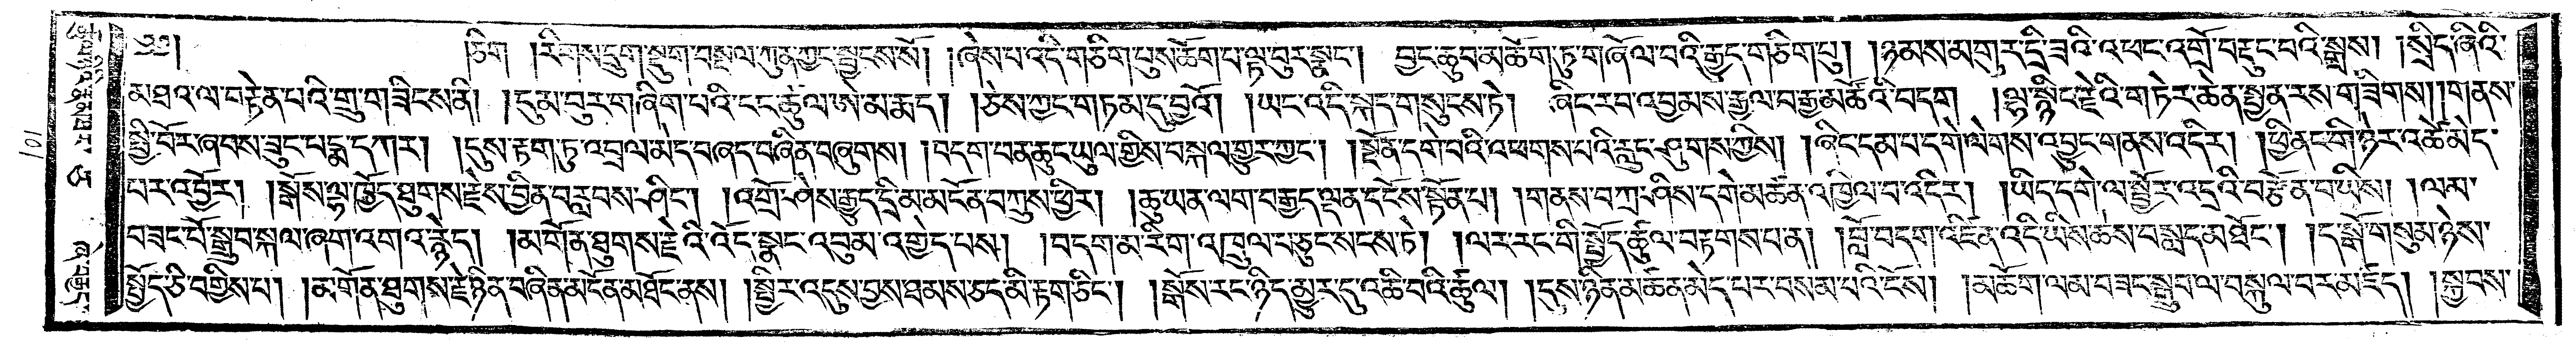༄༅། །ཅིག །རིགས་དྲུག་སྡུག་བསྔལ་ཀུན་ཀྱང་སྦྱངས་སོ། །ཞེས་པ་འདི་གཅིག་པུས་ཆོག་པ་ལྟ་བུར་སྣང་། བྱང་ཆུབ་མཆོག་ཏུ་གཞོལ་བའི་རྒྱུད་གཅིག་པུ། །ཉམས་མགུར་དྲི་ཟའི་འཕང་འགྲོ་བརྡུང་བའི་སྒྲས། །སྲིད་ཞིའི་
མཐའ་ལ་བརྟེན་པའི་གྲུ་གཟིངས་ནི། །དུམ་བུར་གཞིག་པའི་ངང་ཚུལ་ཨེ་མ་རྨད། །ཅེས་ཀྱང་གཏམ་དུ་བྱའོ། །ཡང་འདི་སྐད་གསུངས་ཏེ། ཞིང་རབ་འབྱམས་རྒྱལ་བརྒྱ་མཚོའི་བདག །ལྷ་སྙིང་རྗེའི་གཏེར་ཆེན་སྤྱན་རས་གཟིགས། །གནས་
སྤྱི་བོར་ཞབས་ཟུང་པདམ་དཀར། །དུས་རྟག་ཏུ་འབྲལ་མེད་བཞད་བཞིན་བཞུགས། །བདག་ཕན་ཆུང་ཡུལ་གྱིས་བསྐལ་གྱུར་ཀྱང་། །སྔོན་དགེ་བའི་འཕགས་པའི་རླུང་ཤུགས་ཀྱིས། །ཞིང་དམ་པ་དགེ་ལེགས་འབྱུང་གནས་འདིར། །ཕྱི་ནང་གི་ཉེར་འཚེ་མེད་
པར་འབྱོར། །སྒོས་ལྷ་ཁྱོད་ཐུགས་རྗེས་བྱིན་བརླབས་ཤིང་། །འགྲོ་ཤེས་རྒྱུད་དྲི་མ་མངོན་བཀྲུས་ཕྱིར། །ཆུ་ཡན་ལག་བརྒྱད་ལྡན་དངོས་སྟོན་པ། །གནས་བཀྲ་ཤིས་དགེ་མཚན་འཁྱིལ་བ་འདིར། །ཡིད་དགེ་ལ་སྦྱོར་འདྲའི་བརྩོན་པ་ཡིས། །ལམ་
བཟང་པོ་སྒྲུབ་སྐལ་ཞག་འགའ་རྙེད། །མགོན་ཐུགས་རྗེའི་འོད་སྣང་འབུམ་འགྱེད་པས། །བདག་མ་རིག་འཁྲུལ་པ་ཅུང་སངས་ཏེ། །ལར་རང་གི་སྤྱོད་ཚུལ་བརྟགས་པ་ན། །བློ་བདག་འཛིན་འདི་ཡིས་ཚས་བསླད་མཐོང་། །ད་སྒོ་གསུམ་ཉེས་
སྤྱོད་ཅི་བགྱིས་པ། །མགོན་ཐུགས་རྗེ་ཉིན་བཞིན་མངོན་མཐོང་ནས། །སྤྱིར་འདུས་བྱས་ཐམས་ཅད་མི་རྟག་ཅིང་། །སྒོས་རང་ཉིད་མྱུར་དུ་འཆི་བའི་ཚུལ། །དུས་ཉིན་མཚན་མེད་པར་བསམ་པའི་ངོས། །མཆོག་ལམ་བཟང་སྒྲུབ་ལ་བསྐུལ་བར་མཛད། །སྐྱབས་